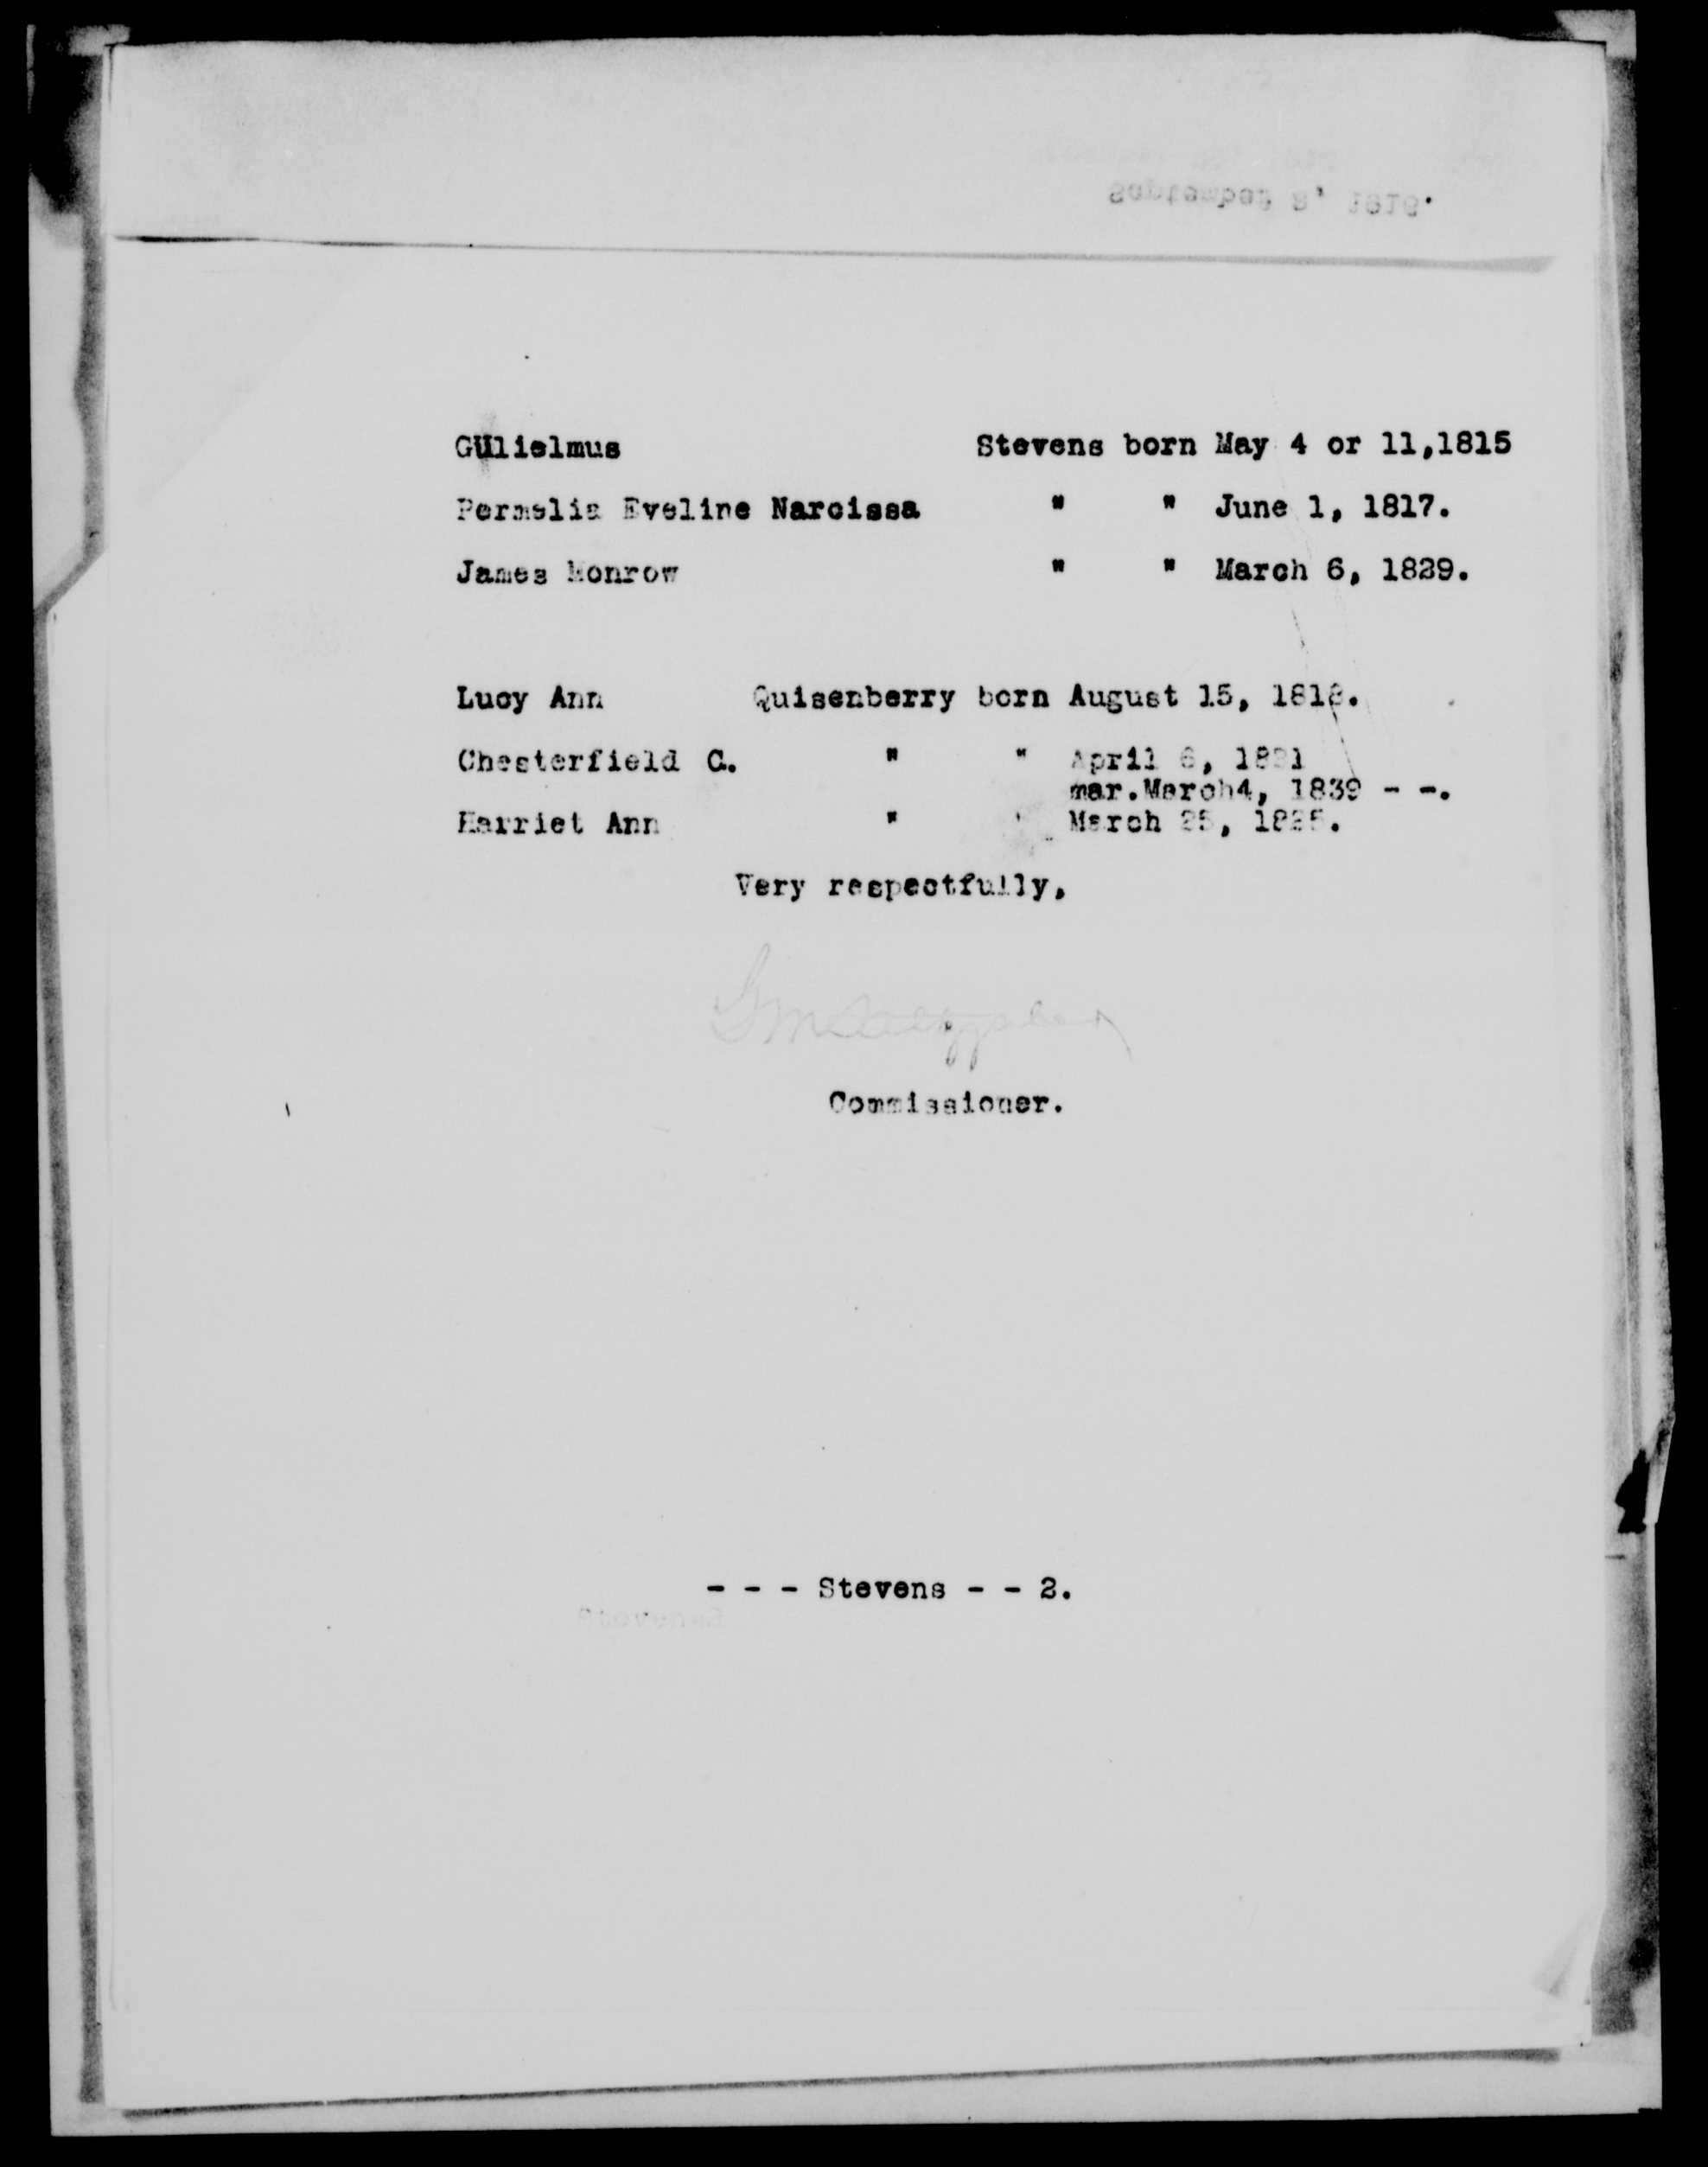Gulielmus Stevens born May 4 or 11, 1815
Permelia Eveline Narcissa " " June 1, 1817.
James Monrow " " March 6, 1829.
Lucy Ann Quisenberry born August 15, 1818.
Chesterfield C. " " April 6, 1821 mar. March 4, 1839--.
Harriet Ann " " March 25, 1825.
Very respectfully,
(signature) 
Commissioner.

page: 33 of 99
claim: widow's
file: W 8766, for James Stevens, Virginia